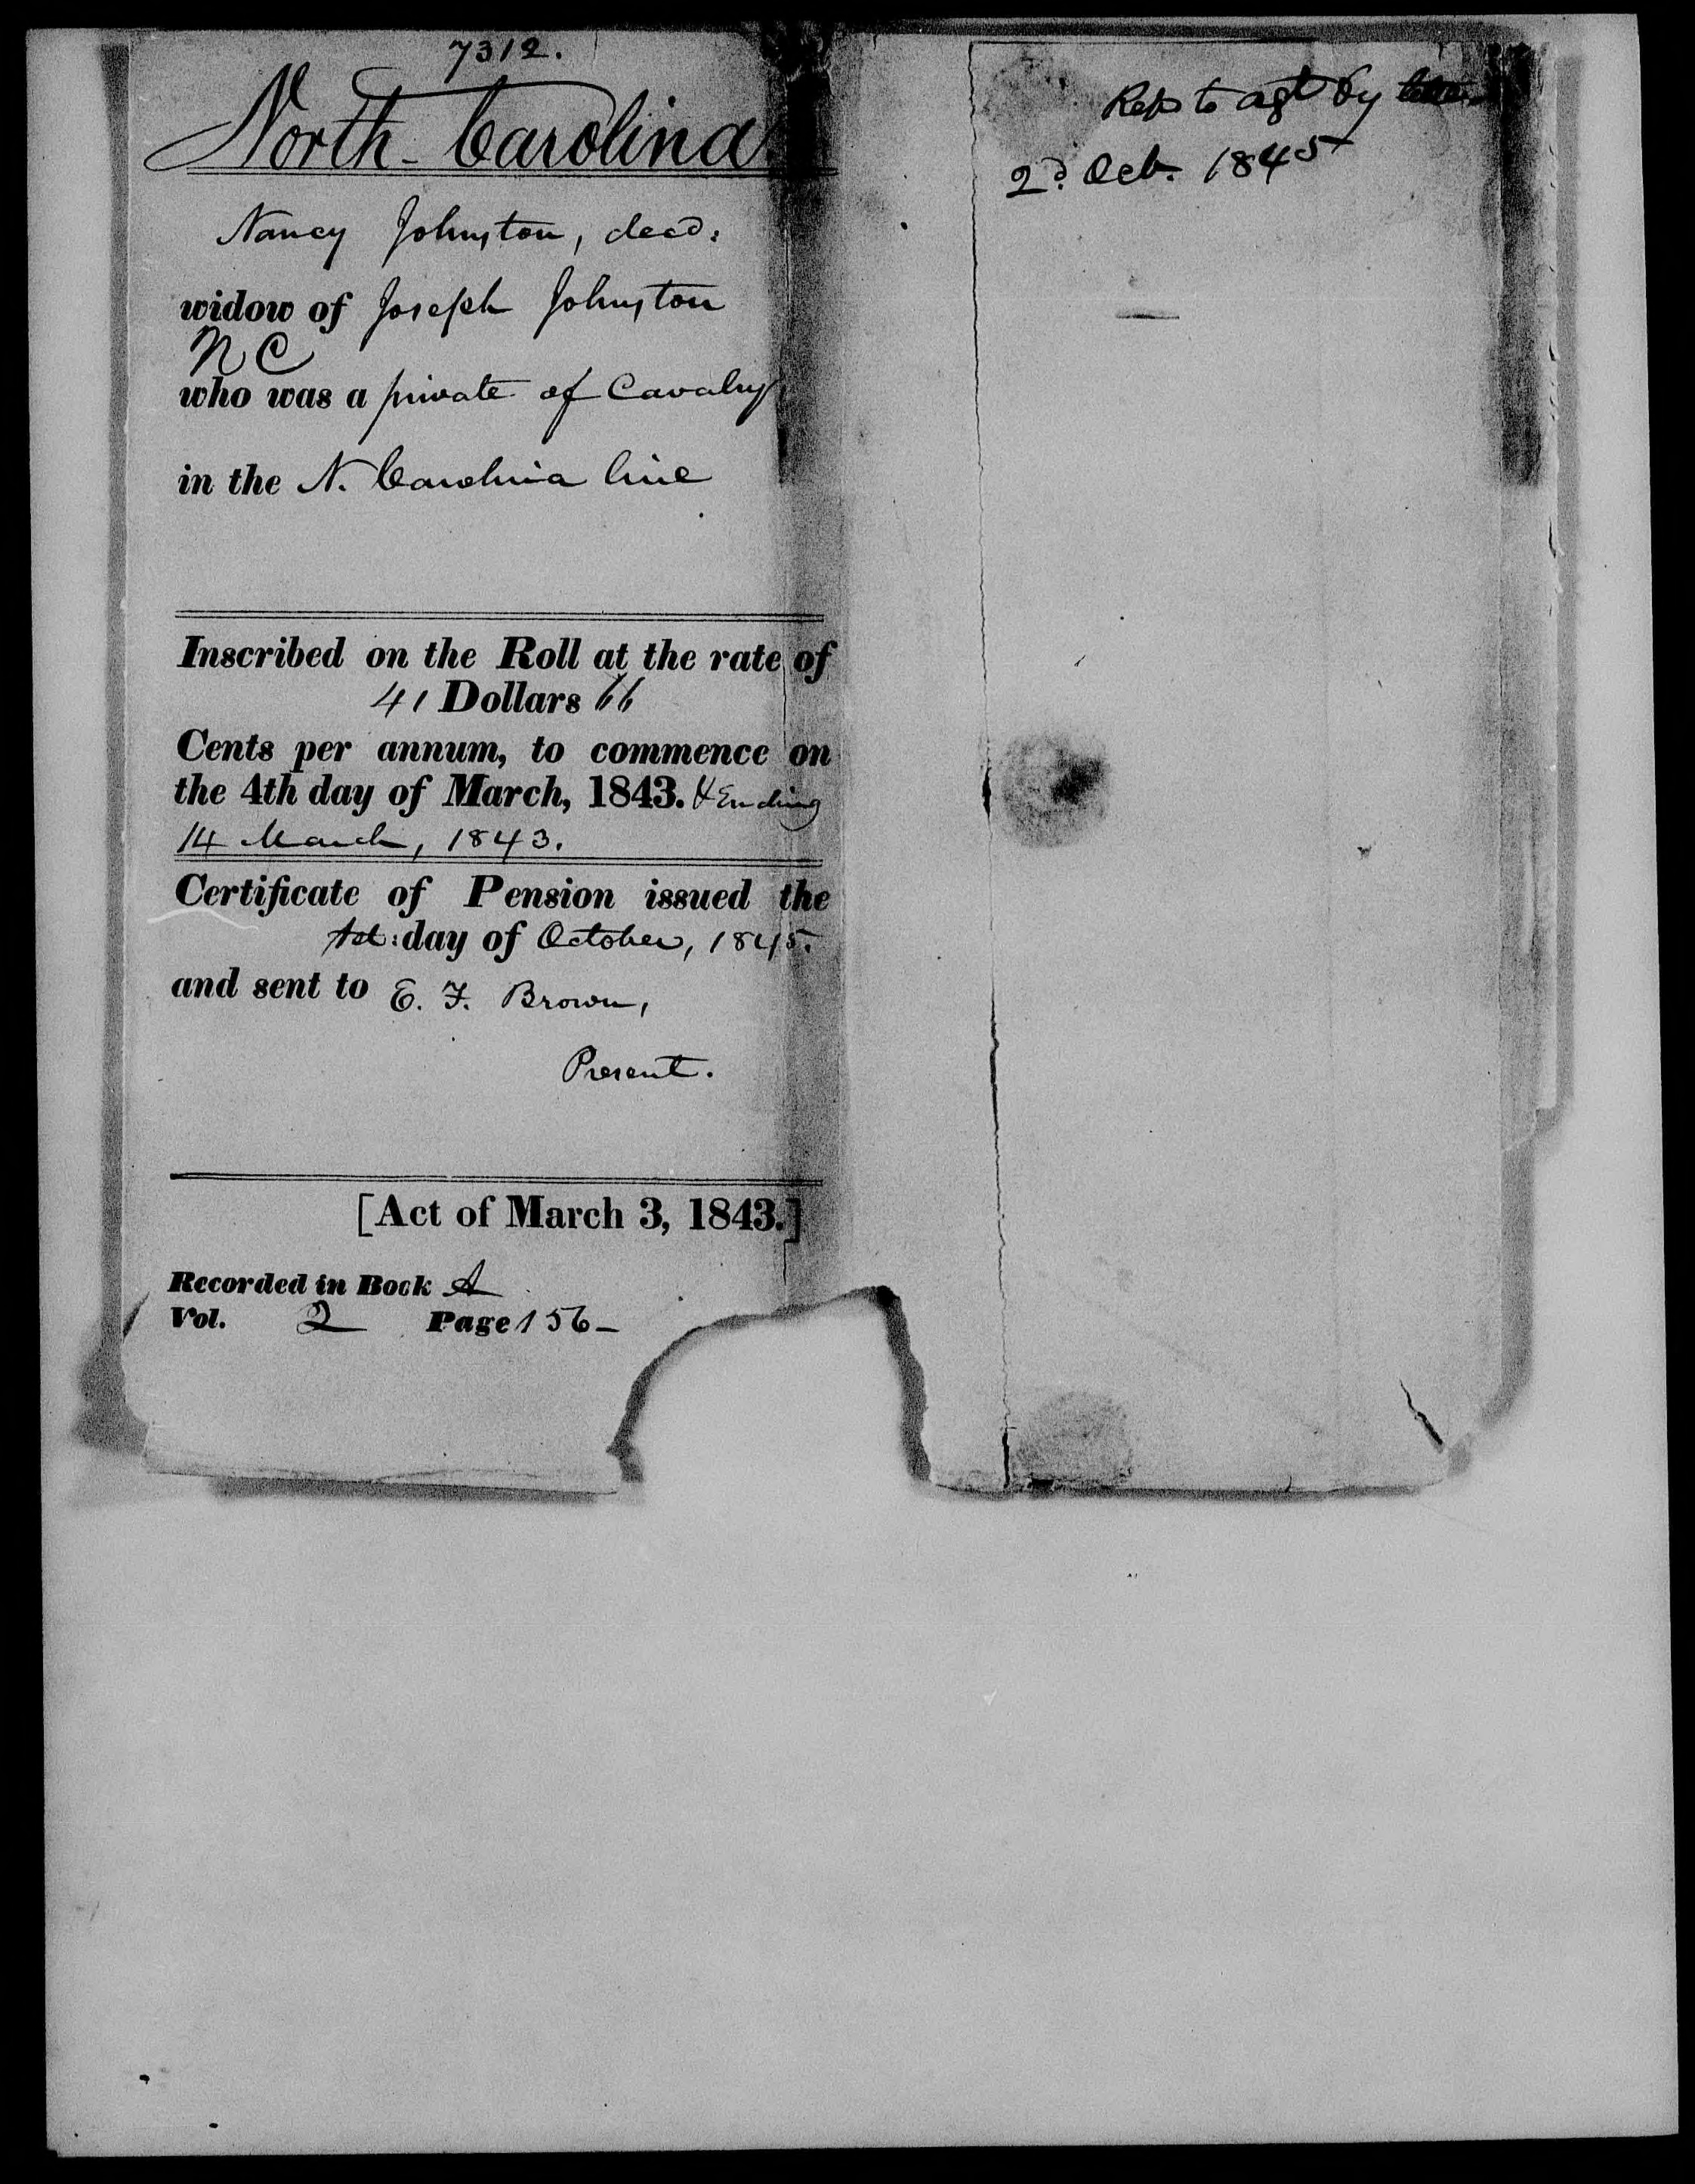[typed form, with handwritten responses]

[left side] 7312
North Carolina
Nancy Johnston, decd. 
widow of Joseph Johnston
who was a private of Cavalry
in the N. Carolina line

Inscribed on the Roll at the rate of 41 Dollars 66 Cents per annum, to commence on the 4th day of March, 1843. & Ending 14 March, 1843.

Certificate of Pension issued the 1st day of October 1845. and sent to E. F. Brown, Present.

[Act of March 3, 1843.]

Recorded in Book A Vol. 2 Page 156 -

[right side] Ref [refer] to agt [agent] by the 2d Oct. 1845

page: 3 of 41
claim: widow's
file: W. 5033, for Joseph Johnston, North Carolina